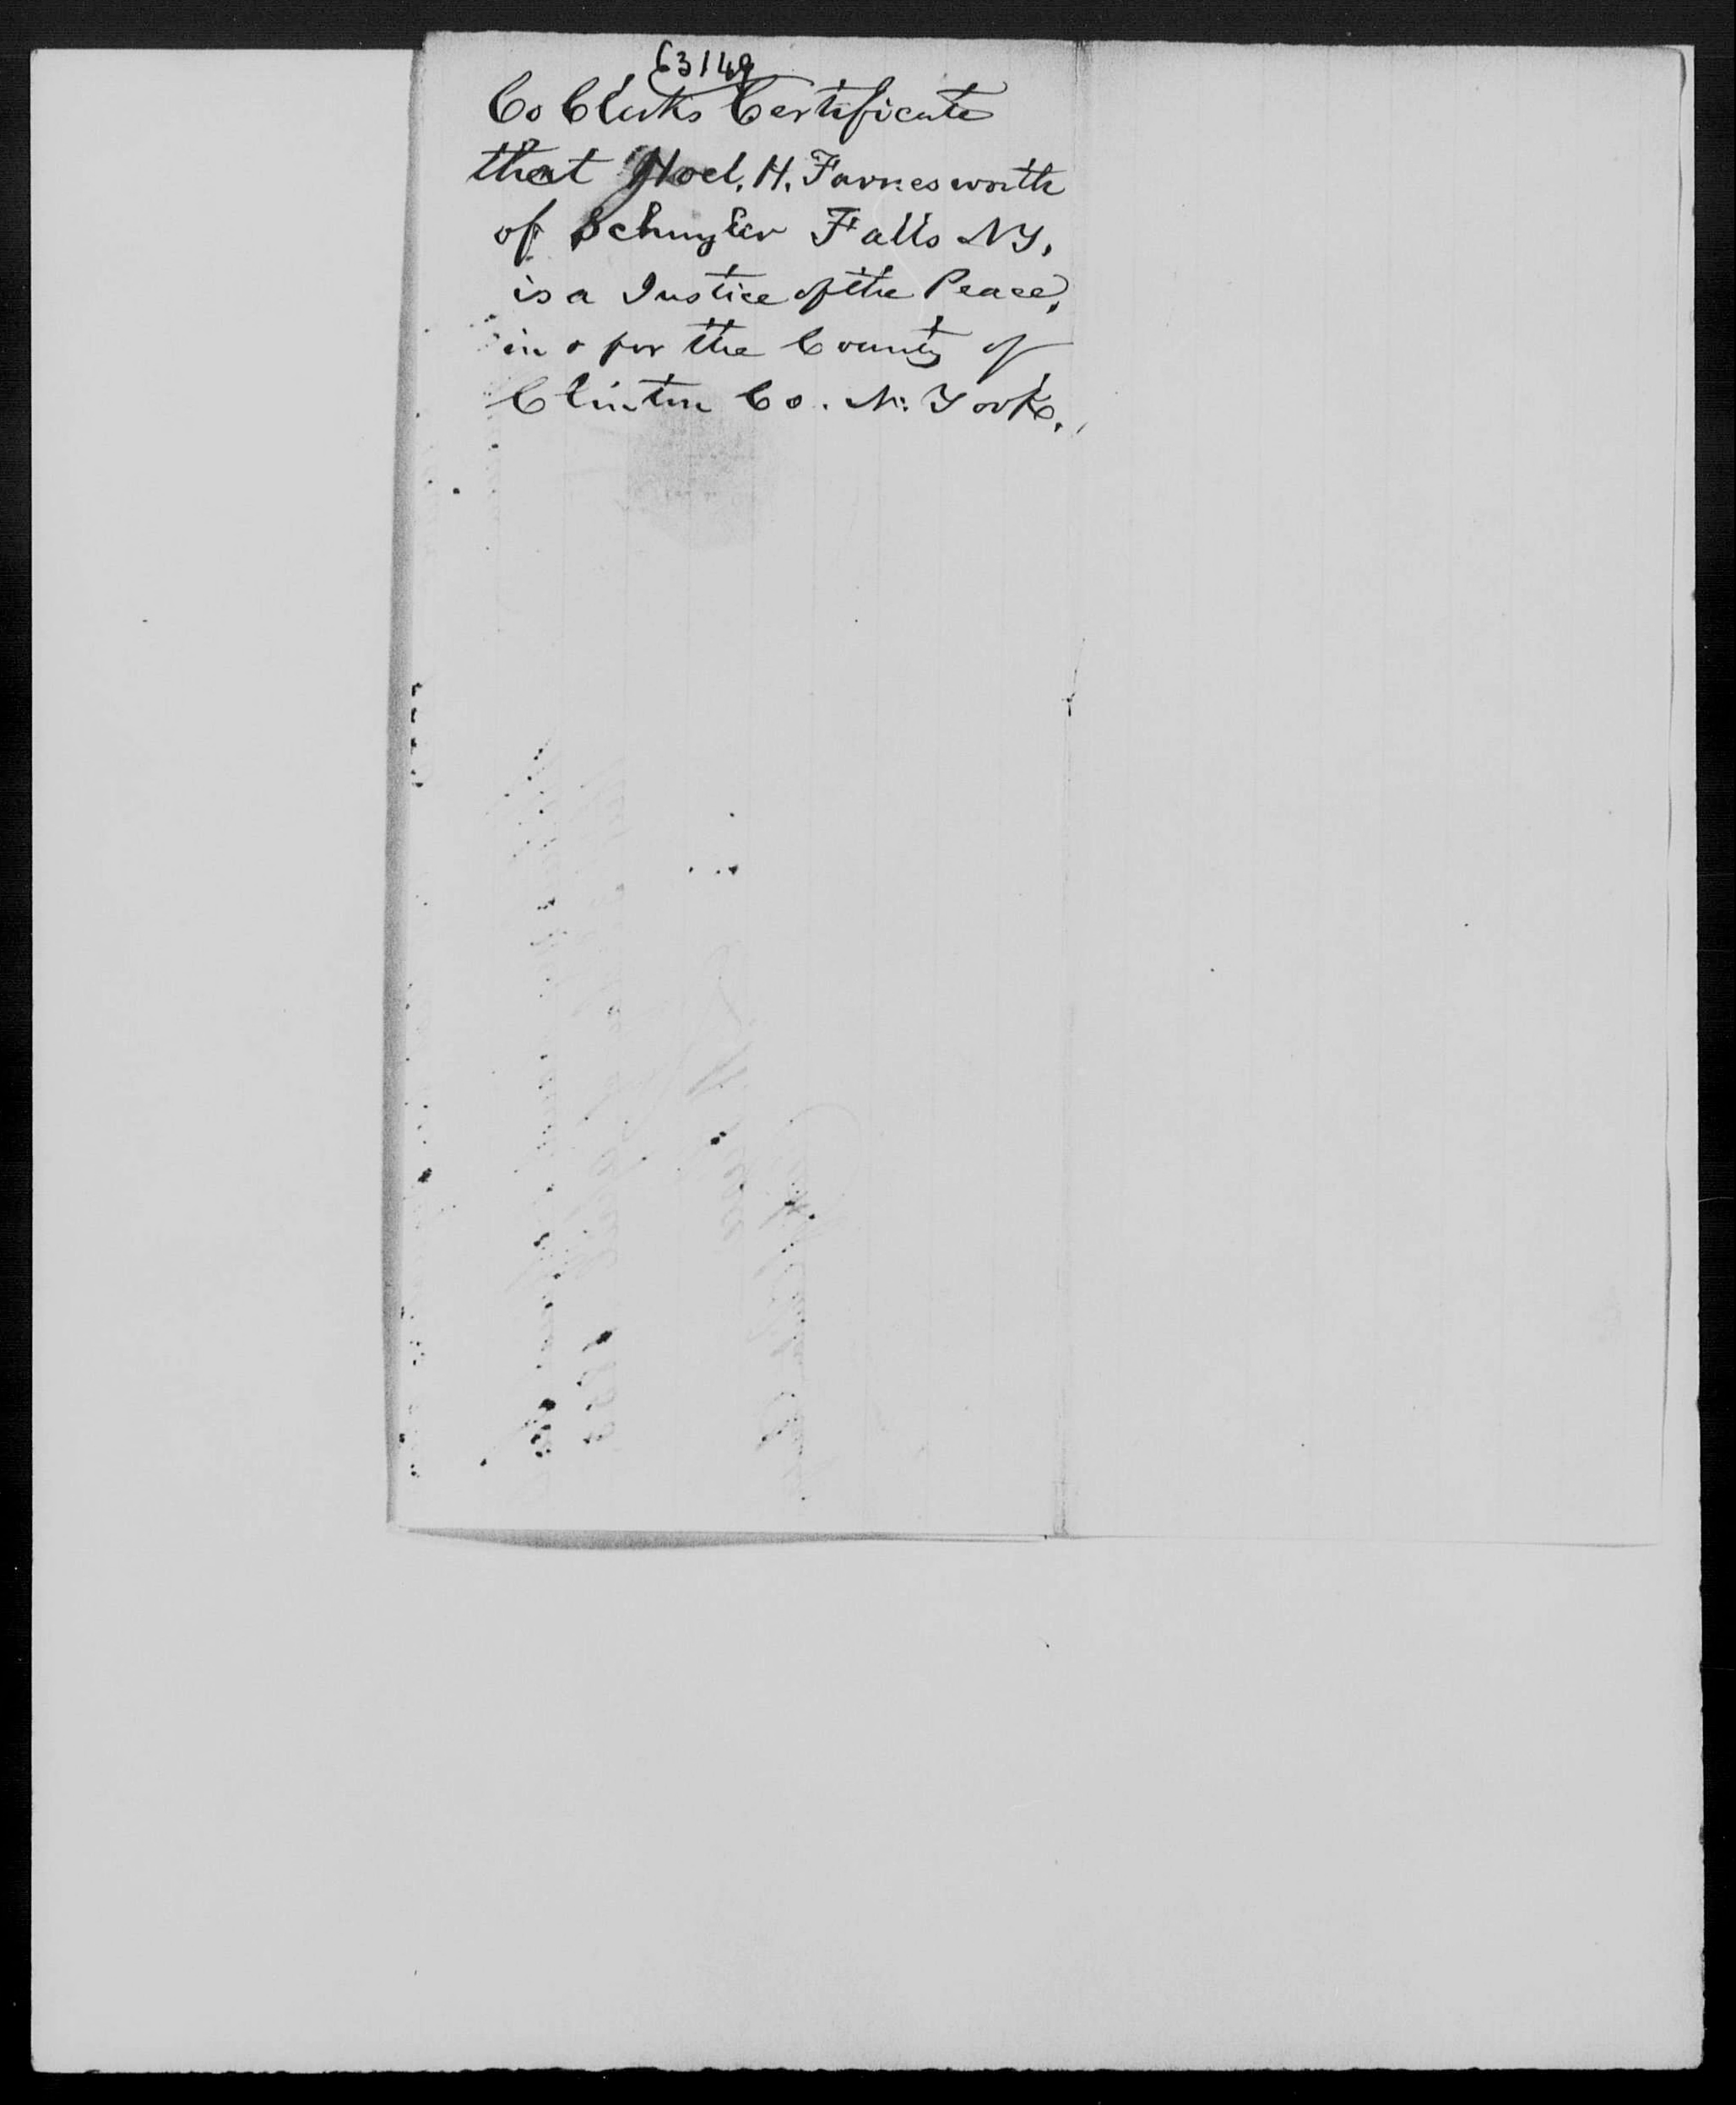63149
Co Clerks Certificate
that Hoel H. Farnesworth of Schuyler Falls NY, is a Justice of the Peace, in & for the County of Clinton Co. N. York.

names: Hoel H Farnesworth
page: 44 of 50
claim: widow's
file: W. 8559, Ebenezer Ayer, Continental (Conn)